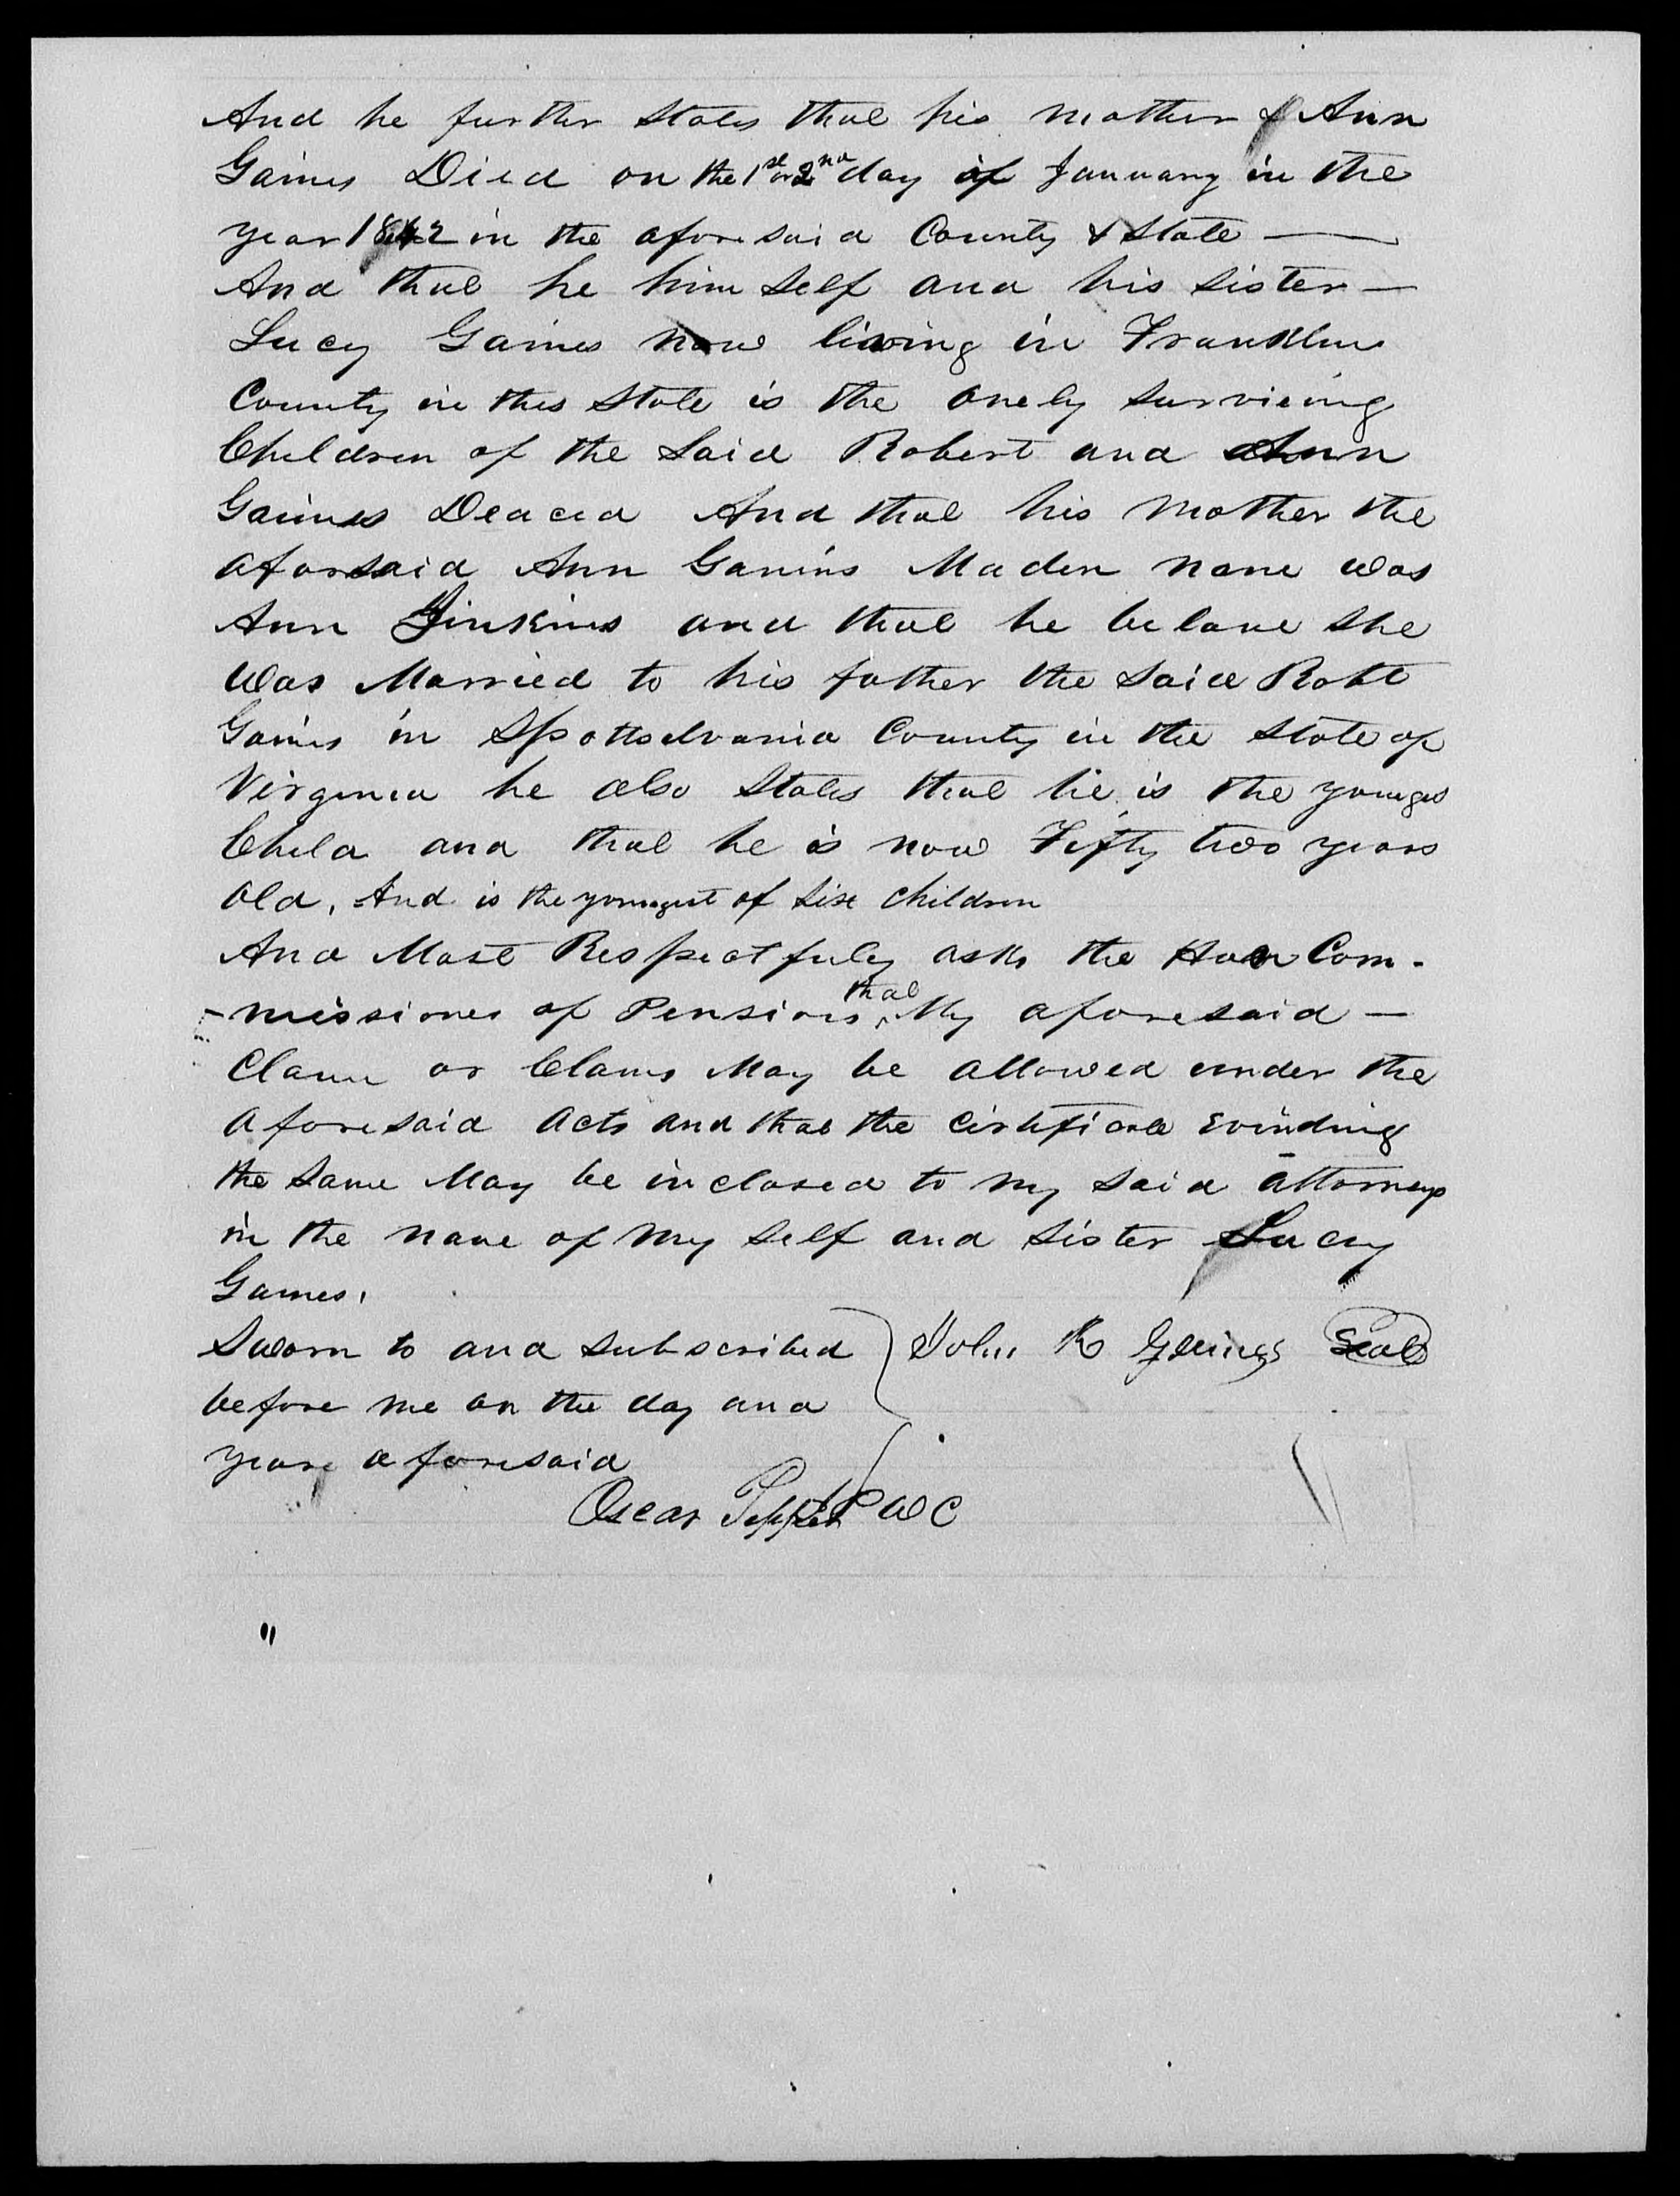[Letter continued from previous page]
And he further states that his mother Ann Gaines Died on the 1st or 2nd day of January in the year 1842[?] in the aforesaid County + State. And that he himself and his sister Lucy Gaines now living in Franklin County in this State is the only surviving children of the Said Robert and Ann Gaines Deceased and that his mother the aforesaid Maiden name was Ann Jinkins and that he believes she was married to his father that Said Robt Gaines in Spottsylvania [Spotsylvania] County in the State of Virginia he also States that he is the youngest child and that he is now fifty two years old. And is the youngest of six children.
And Most Respectfully asks the Hon. Commissioner of Pensions that my aforesaid Claim or Claims may be allowed under the aforesaid Acts and that the certificate evidencing the same may be inclosed to my said Attorneys in the name of my Self and Sister Lucy Gaines.
John R. Gaines
Seal [illegible]
Sworn to and Subscribed 
before me on the day and year aforesaid
Oscar Pepper JPWC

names: Ann Gaines, Lucy Gaines, Lucy Gaines, Ann Jinkins, Robt Gaines, Robert Gaines, Ann Gaines, Oscar Pepper, Ann Gaines, John R Gaines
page: 12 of 79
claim: rejected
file: R. 3863, Robert Gaines, Va.